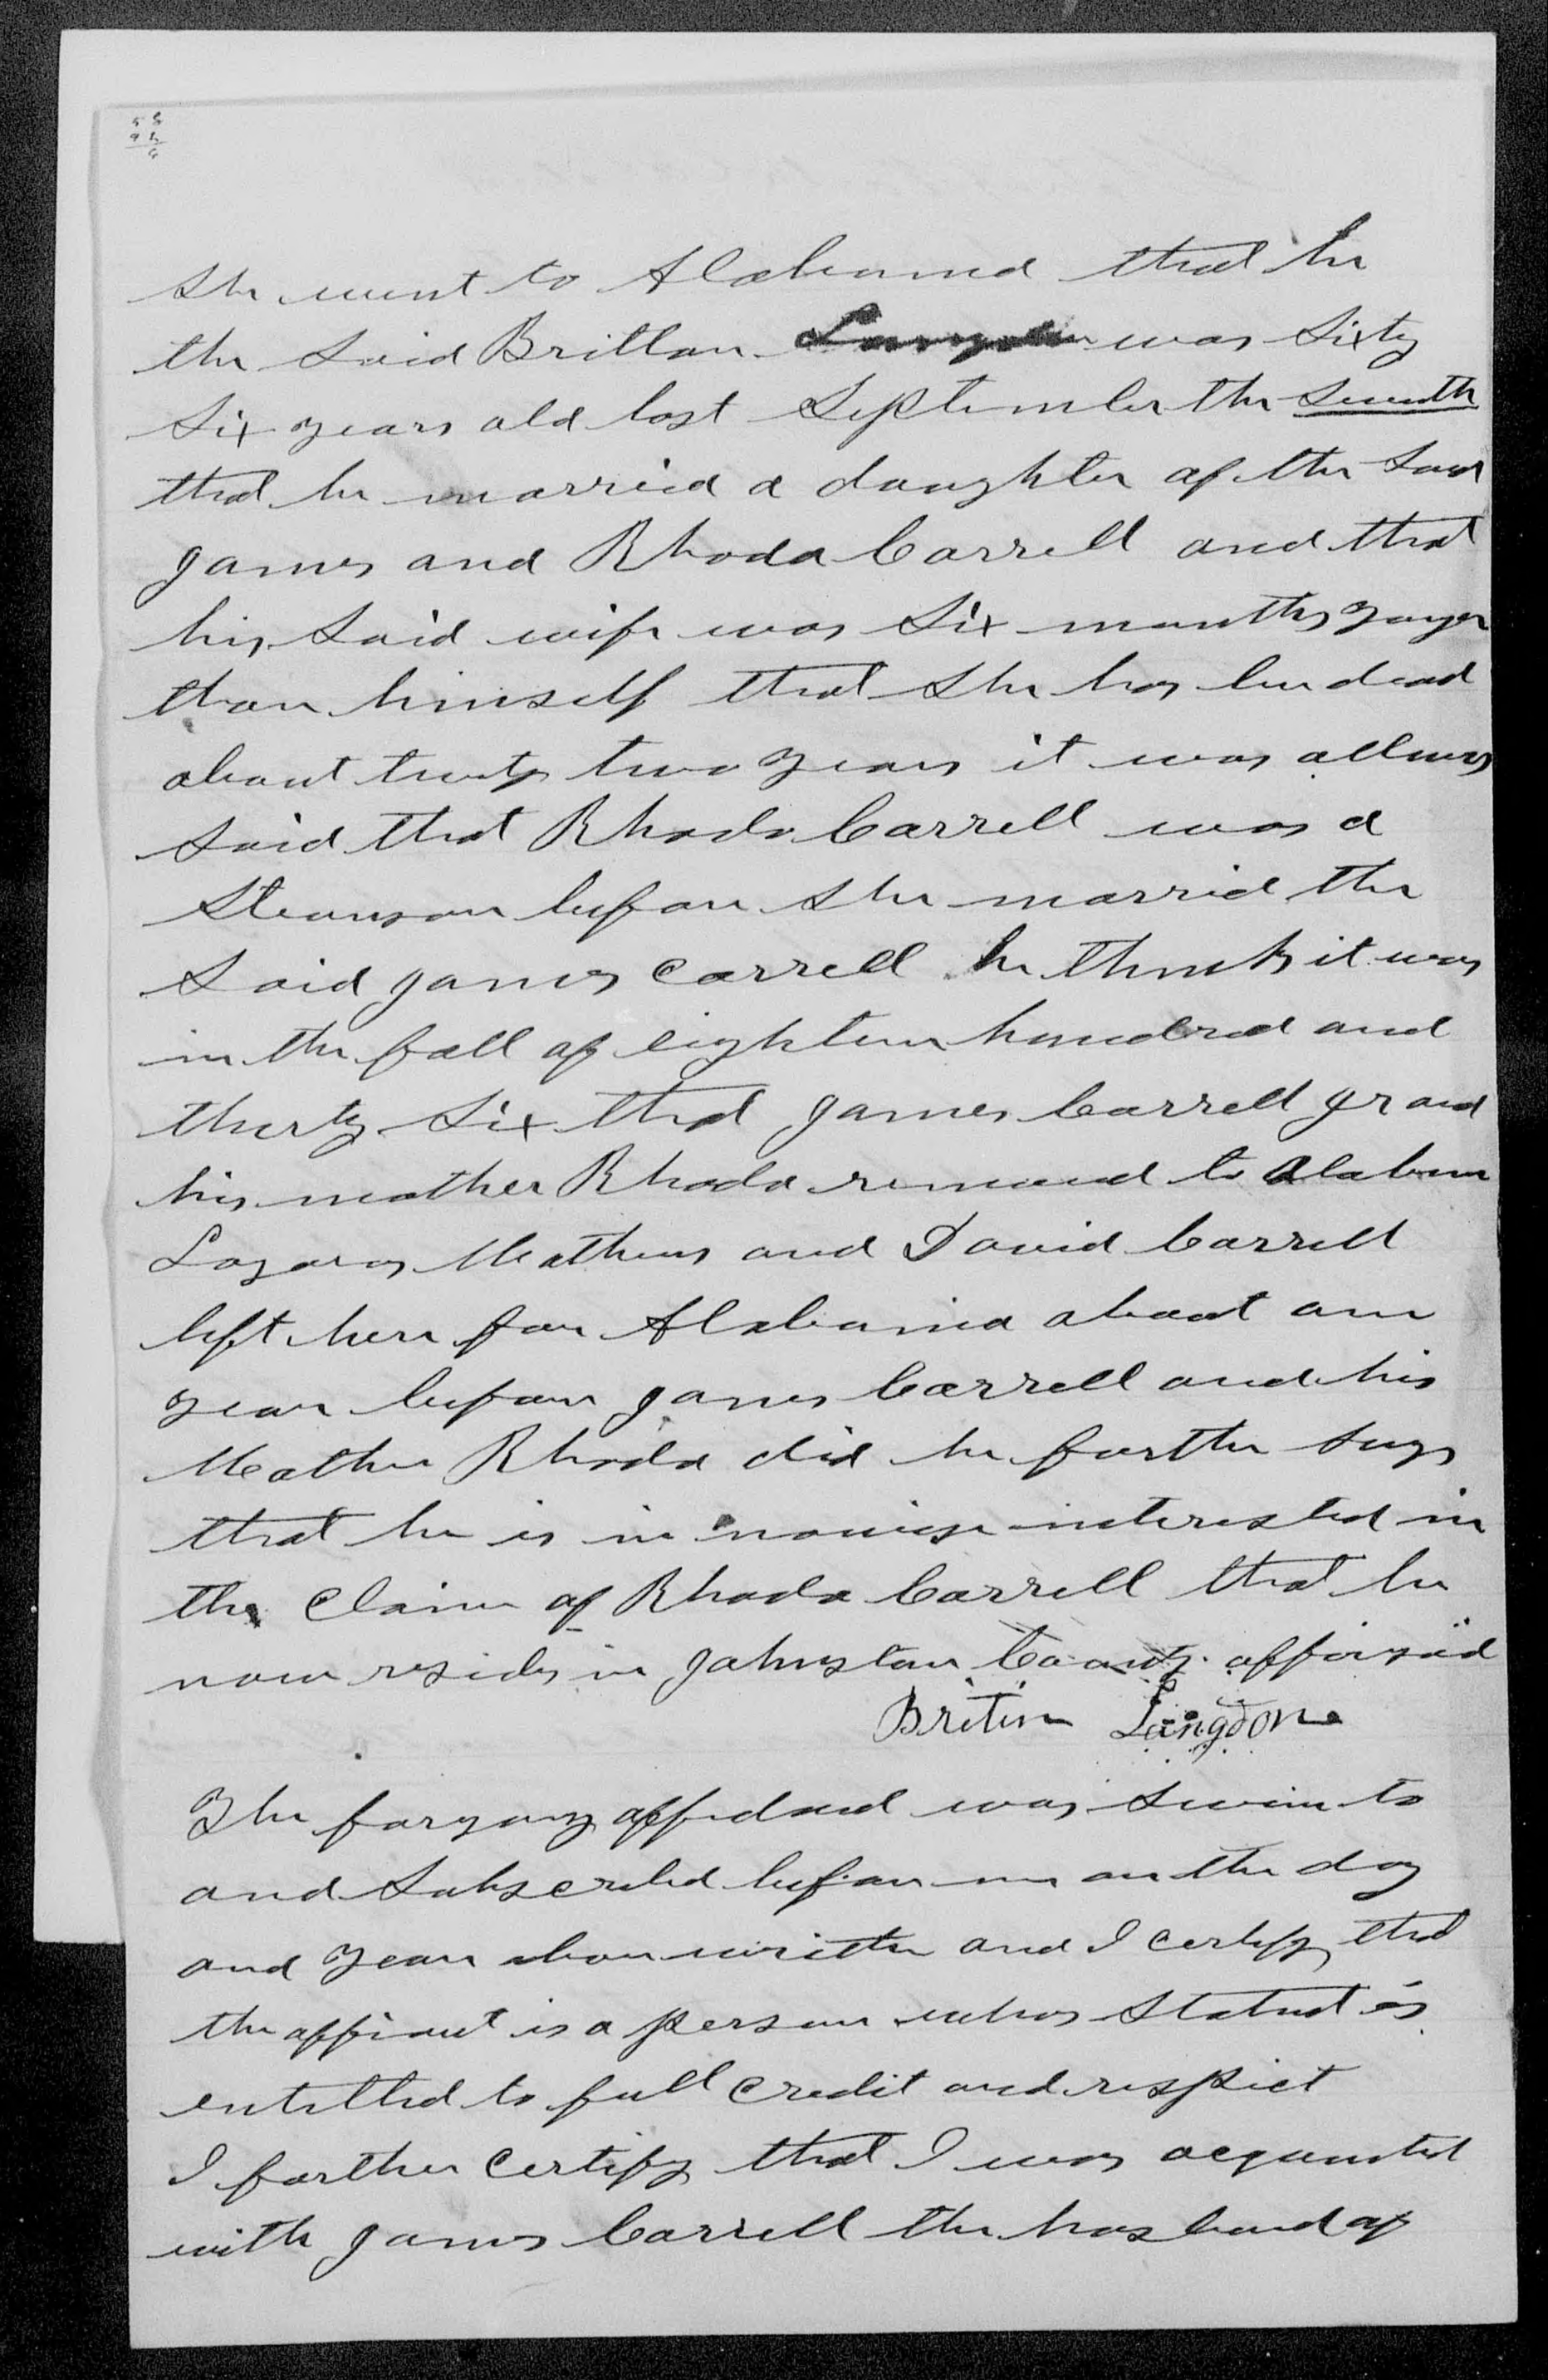she went to Alabama  that he the said Brittan Langdon was sixty six years old last September the seventh that he married a daughter of the said James and Rhoda Carrell and that his said wife was six months younger than himself that she has been dead about twnety two years it was allway said that Rhoda Carrell was a Stevenson before she married the said James Carrell he thinks it was in the fall of eighteen hundred  and thirty six that James Carrell Jr and his mother Rhoda removed to Alabama Lazarus Mathews and David Carrell left here for Alabama about one year before James Carrell and his mother Rhoda did he further says that he is in nowise interested in the claim of Rhoda Carrell that he now resides in Johnston County afforesaid.  Britin Langdon

The forgoing affidavit was sworn to and subscribed before me on the day and year above written and I certify that the affiant is a person whose statement is entitled to full credit and respect I further certify that I was acquainted with James Carrell the husband of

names: Rhoda, Rhoda, Rhoda Carrell, Lazarus Mathews, Rhoda Carrell, Stevenson, Rhoda Carrell, James Carrell, James Carrell, James Carrell, James Carrell, James Carrell, David Carell, Britin Langdon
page: 53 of 86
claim: widow's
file: W. 6899, James Carrell, N.C.